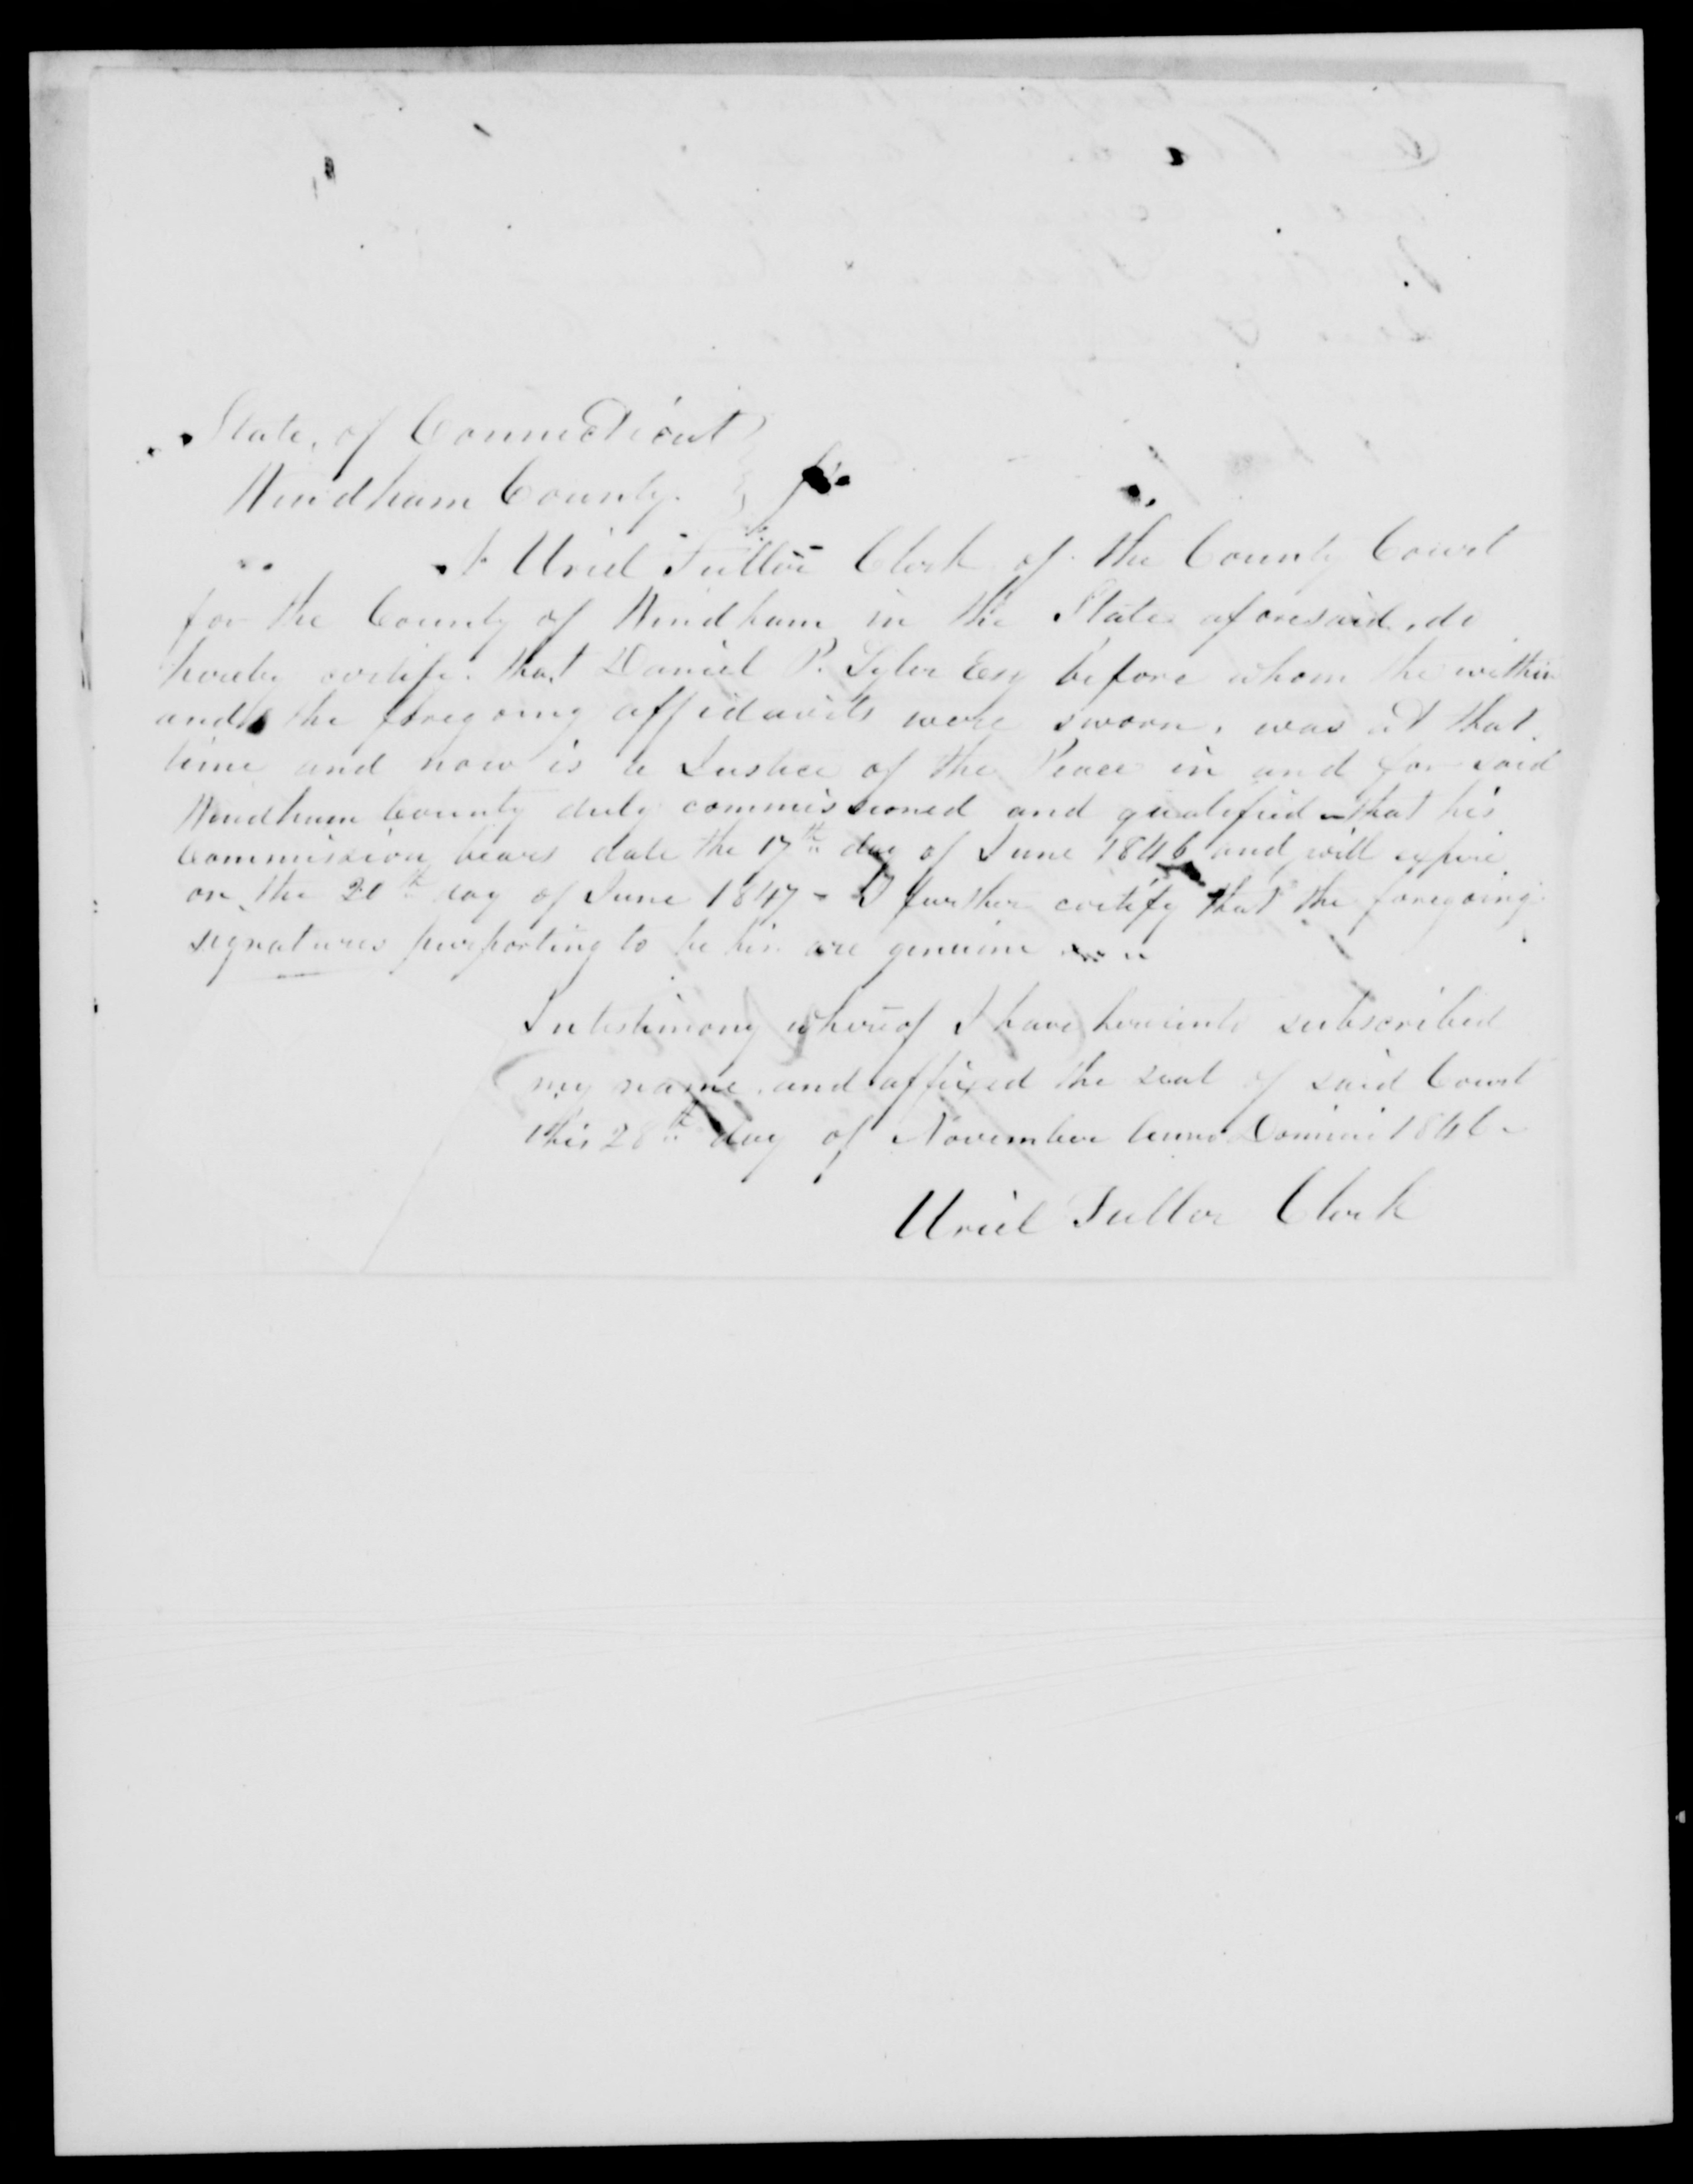State of Connecticut 
Windham County

I Uriel Suller Clerk of the Court in the County of Windham in the State aforesaid, do hereby certify that Daniel P. Tyler Esq. before whom the within and the foregoing affidavit were sworn, was at that time and now is the Justice of the Peace in and for said Windham County duly commissioned and qualified that his commission bears date the 17th day of June 1846 and will expire on the 20th day of June 1847- I further certify that the foregoing signatures purporting to be his are genuine             

Testimony whereof I have herewith subscribed 
my name and affixed the seal of said Court this 28th day of November Anno Domini 1846

 Uriel Suller Clerk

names: Daniel P Tyler, Uriel Suller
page: 9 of 53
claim: widow's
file: W 17707, Benjamin Weaver, R.I.